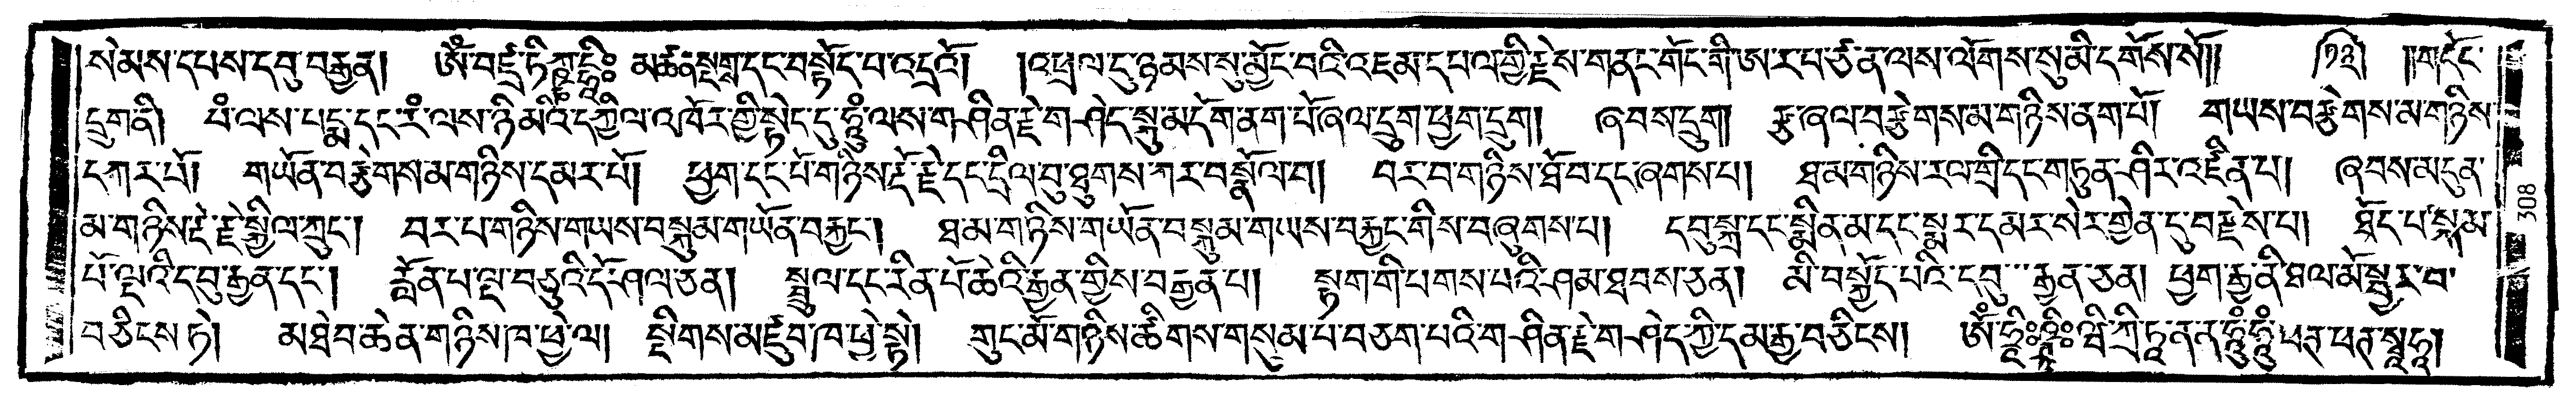སེམས་དཔས་དབུ་བརྒྱན། ཨོཾ་བཛྲ་ཏིཀྵྞ་དྷཱིཿ མཚན་སྔགས་དང་བསྟོད་པ་འདྲའོ། །འཕྲལ་དུ་ཉམས་སུ་མྱོང་བའི་འཇམ་དཔལ་གྱི་རྗེས་གནང་གོང་གི་ཨ་ར་པ་ཙ་ན་ལས་ལོགས་སུ་མི་དགོས་སོ།། ༡༣?་།།གདོང་
དྲུག་ནི། པཾ་ལས་པདམ་དང་རཾ་ལས་ཉི་མའི་དཀྱིལ་འཁོར་གྱི་སྟེང་དུ་ཧཱུཾ་ལས་གཤིན་རྗེ་གཤེད་སྐུ་མདོག་ནག་པོ་ཞལ་དྲུག་ཕྱག་དྲུག། ཞབས་དྲུག། རྩ་ཞལ་བརྩེགས་མ་གཉིས་ནག་པོ། གཡས་བརྩེགས་མ་གཉིས་
དཀར་པོ། གཡོན་བརྩེགས་མ་གཉིས་དམར་པོ། ཕྱག་དང་པོ་གཉིས་རྡོ་རྗེ་དང་དྲིལ་བུ་ཐུགས་ཀར་བསྣོལ་བ། བར་བ་གཉིས་ཐོ་བ་དང་ཞགས་པ། ཐ་མ་གཉིས་རལ་གྲི་དང་གཏུང་ཤིར་འཛིན་པ། ཞབས་མདུན་
མ་གཉིས་རྡོ་རྗེ་སྐྱིལ་ཀྲུང་། བར་པ་གཉིས་གཡས་བསྐུམ་གཡོན་བརྐྱང་། ཐ་མ་གཉིས་གཡོན་བསྐུམ་གཡས་བརྐྱང་གིས་བཞུགས་པ། དབུ་སྐྲ་དང་སྨིན་མ་དང་སྨར་དམར་སེར་གྱེན་དུ་བརྫེས་པ། ཐོད་པ་སྐམ་
པོ་ལྔའི་དབུ་རྒྱན་དང་། རློན་པ་ལྔ་བཅུའི་དོ་ཤལ་ཅན། སྦྲུལ་དང་རིན་པོ་ཆེའི་རྒྱན་གྱིས་བརྒྱན་པ། སྟག་གི་པགས་པའི་ཤམ་ཐབས་ཅན། མི་བསྐྱོད་པའི་དབུ་རྒྱན་ཅན། ཕྱག་རྒྱ་ནི་ཐལ་མོ་སྦྱར་བ་
བཅིངས་ཏེ། མཐེབ་ཆེན་གཉིས་ཁ་ཕྱེ་ལ། སྡིགས་མཛུབ་ཁ་ཕྱེ་སྟེ། གུང་མོ་གཉིས་ཚིགས་གསུམ་པ་བཅག་པའི་གཤིན་རྗེ་གཤེད་ཀྱི་དམ་རྒྱ་བཅིངས། ཨོཾ་ཧྲཱིཿཥྚྲཱིཿཝི་ཀྲི་ཏཱ་ན་ན་ཧཱུཾ་ཧཱུཾ་ཕཊ་ཕཊ་སྭཱཧཱ།